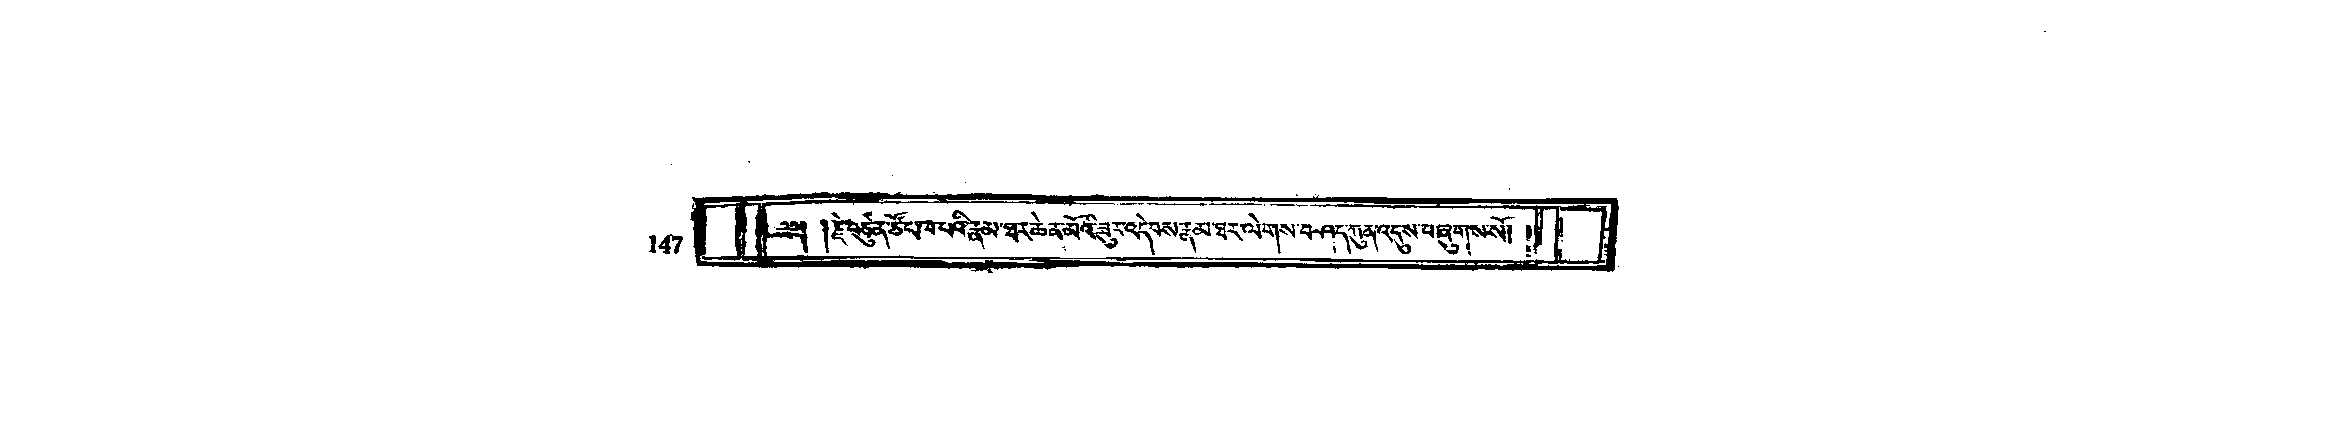༄༅། །རྗེ་བཙུན་ཙོང་ཁ་པའི་རྣམ་ཐར་ཆེན་མོའི་ཟུར་འདེབས་རྣམ་ཐར་ལེགས་བཤད་ཀུན་འདུས་བཞུགས་སོ། །